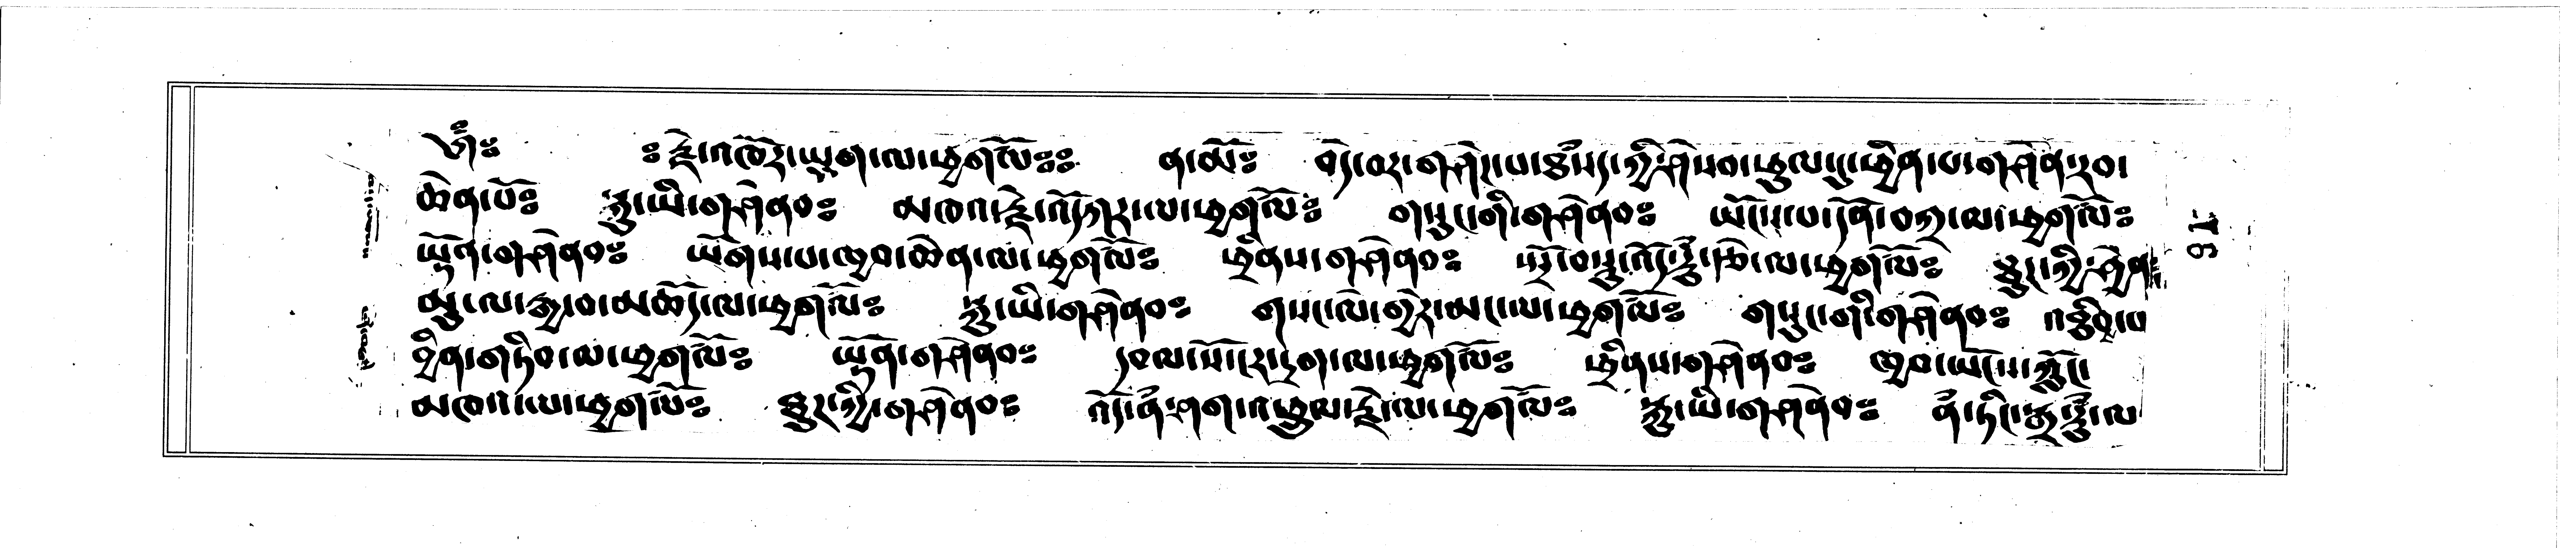རྗེ་འཁོར་ཡུག་ལ་ཕྱག་འཚལ་ལོཿ ན་མོ་བདེ་བར་གཤེགས་པ་ཐམས་ཅད་ཀྱི་ཤེས་རབ་ཕུལ་ཏུ་ཕྱིན་པའི་གཤེན་རབ་
ཆེན་པོཿ སྐུ་ཡི་གཤེན་རབཿ མཁའ་རྗེ་འོད་དཀར་ལ་ཕྱག་འཚལ་ལོཿ གསུང་གི་གཤེན་རབཿ ཡོངས་པ་དོན་བཀྲ་ལ་ཕྱག་འཚལ་ལོཿ 
ཡོན་ཏན་གྱི་གཤེན་རབཿ ཡོགས་པ་ཁྱབ་ཆེན་ལ་ཕྱག་འཚལ་ལོཿ ཕྲིན་ལས་ཀྱི་གཤེན་རབཿ སྤྲོ་བསྡུ་འོད་རུམ་རྩེ་ལ་ཕྱག་འཚལ་ལོཿ ཐུགས་ཀྱི་གཤེན་རབཿ 
མུ་ལ་རྒྱལ་རྒྱ་ཆོད་ལ་ཕྱག་འཚལ་ལོཿ སྐུ་ཡི་གཤེན་རབཿ གསང་ལེ་གྱེར་མང་ལ་ཕྱག་འཚལ་ལོཿ གསུང་གི་གཤེན་རབཿ འཐིབ་པ་
བྱིན་གཏིབ་ལ་ཕྱག་འཚལ་ལོཿ ཡོན་ཏན་གྱི་གཤེན་རབཿ དབལ་སོ་ངར་དྲག་ལ་ཕྱག་འཚལ་ལོཿ ཕྲིན་ལས་ཀྱི་གཤེན་རབཿ ཁྱབ་ཡངས་ཀློང་
མཁའ་ལ་ཕྱག་འཚལ་ལོཿ ཐུགས་ཀྱི་གཤེན་རབཿ འོད་ནམ་ཤག་འཕྲུལ་རྗེ་ལ་ཕྱག་འཚལ་ལོཿ སྐུ་ཡི་གཤེན་རབཿ ནམ་ཏིང་སྒྲ་རུམ་ལ་ཕྱག་འཚལ་ལོཿ